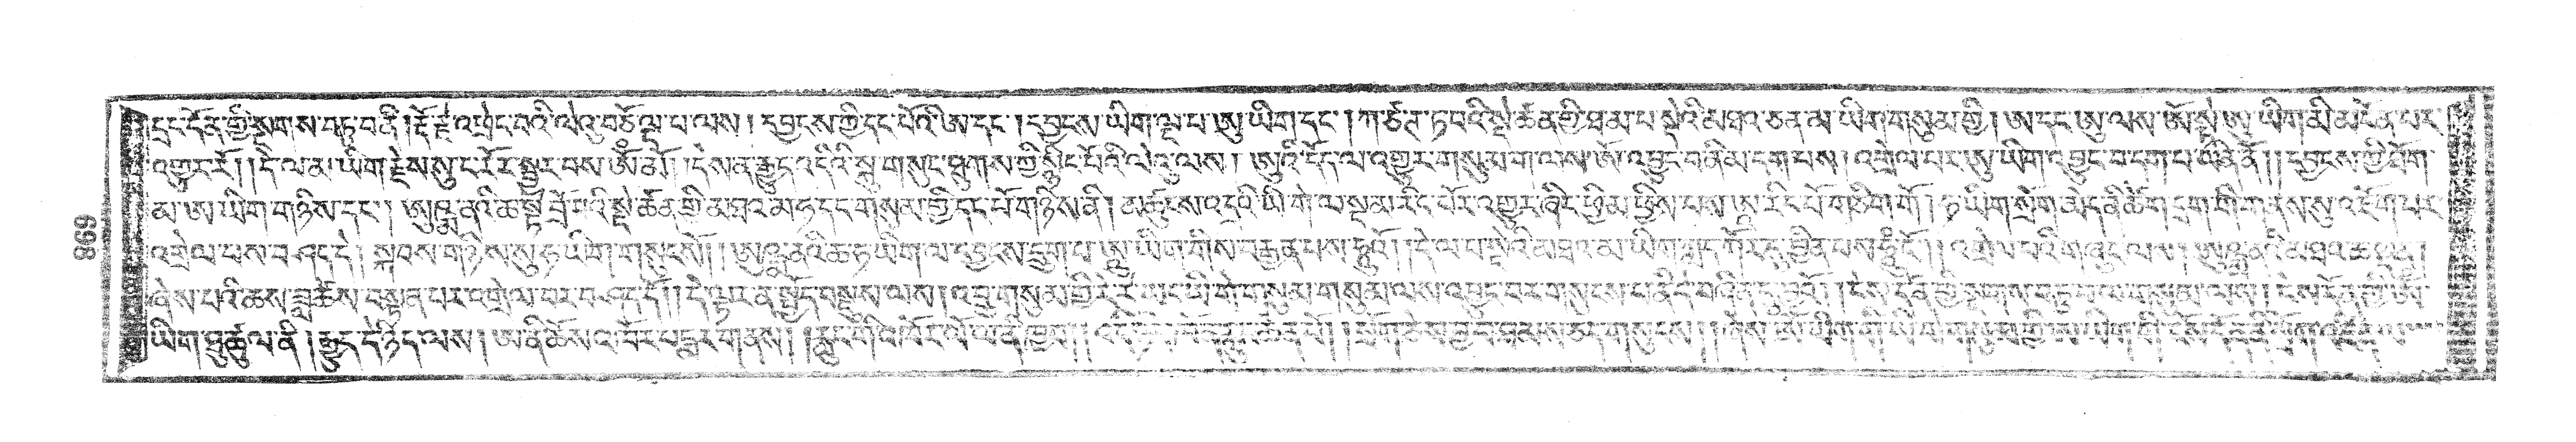དྲང་དོན་གྱི་སྔགས་བཏུ་བ་ནི། རྡོ་རྗེ་འཕྲེང་བའི་ལེའུ་བཅོ་ལྔ་པ་ལས། དབྱངས་ཀྱི་དང་པོའི་ཨ་དང་། དབྱངས་ཡིག་ལྔ་པ་ཨུ་ཡིག་དང་།ཀ་ཙ་ཊ་ཏ་བའི་སྡེ་ཚན་གྱི་ཐ་མ་པ་སྡེའི་མཐའ་ཅན་མ་ཡིག་གསུམ་གྱི། ཨ་དང་ཨུ་ལས་ཨོ་སྟེ་ཨུ་ཡིག་མི་མངོན་པར་
འགྱུར་རོ། །དེ་ལ་མ་ཡིག་རྗེས་སུ་ང་རོར་སྦྱར་བས་ཨོཾ་མོ། །དེས་ན་རྒྱུད་འདིའི་སྐུ་གསུང་ཐུགས་ཀྱི་སྙིང་པོའི་ལེའུ་ལས། ཨུའི་དོད་ལ་འགྱུར་གསུམ་ག་ལས་ཨོ་འབྱུང་བ་ནི་མ་དག་པས། འགྲེལ་པར་ཨུ་ཡིག་འབྱུང་བ་དག་པ་ཡིན་ནོ། །དབྱངས་ཀྱི་ཐོག་
མ་ཨ་ཡིག་གཉིས་དང་།ཨུཥྨ་ནའི་ཆ་སྟེ་དྲོ་བའི་སྡེ་ཆེན་གྱི་མཐའ་མ་ཧ་དང་གསུམ་གྱི་དང་པོ་གཉིས་ནི། མཚུངས་འདྲའི་ཡི་གེ་ལ་སྔ་མ་རིང་པོར་འགྱུར་ཞིང་ཕྱི་མ་ཕྱིས་པས་ཨཱ་རིང་པོ་གཅིག་གོ །ཧ་ཡིག་སྲོག་མེད་ནི་ཚེག་དྲག་གི་གནས་སུ་འཇོག་པར་
འགྲེལ་པས་བཤད་དེ། སྐབས་གཉིས་སུ་ཧ་ཡིག་གསུངས་སོ། །ཨུཥྨ་ནའི་ཆ་ཧ་ཡིག་ལ་དབྱངས་དྲུག་པ་ཨཱུ་ཡིག་གིས་བརྒྱན་པས་ཧཱུའོ། །དེ་ལ་པ་སྡེའི་མཐའི་མ་ཡིག་ཀླད་ཀོར་དུ་བྱིན་པས་ཧཱུཾ་ངོ། །འགྲེལ་པའི་གཞུང་ལས། ཨུཥྨ་ནའི་མཐའ་ཆ་ལྡན།
ཞེས་པའི་ཆས་ཟླ་ཚེས་བསྟན་པར་འགྲེལ་བར་བཤད་དོ། །དེ་ལྟར་ན་སྤྱོད་བསྡུས་ལས། འབྲུ་གསུམ་གྱི་རེ་རེ་ཡང་ཡི་གེ་གསུམ་གསུམ་ལས་འབྱུང་བར་གསུངས་པ་ནི་དེ་བཞིན་དུ་བྱའོ། །ངེས་དོན་གྱི་སྔགས་བཏུ་བ་ལ་གསུམ་ལས། ངེས་དོན་གྱི་ཨོཾ་
ཡིག་ཐུ་ཚུལ་ནི། རྒྱུད་དེ་ཉིད་ལས། ཨ་ནི་ཆོས་འཁོར་པདམར་གནས། །རླུང་གི་འཁོར་ལོ་ལ་ནི་ཁྱབ། །འདི་ཉིད་ཁོ་ན་རླུང་ཆེན་པོ། །སྲོག་ཅེས་བྱ་བ་ཐམས་ཅད་གསུངས། །ཞེས་ཨོཾ་ཡིག་གི་ཡི་གེ་གསུམ་གྱི་ཨ་ཡིག་གི་ངེས་དོན་ནི་སྲོག་འཛིན་ལ་